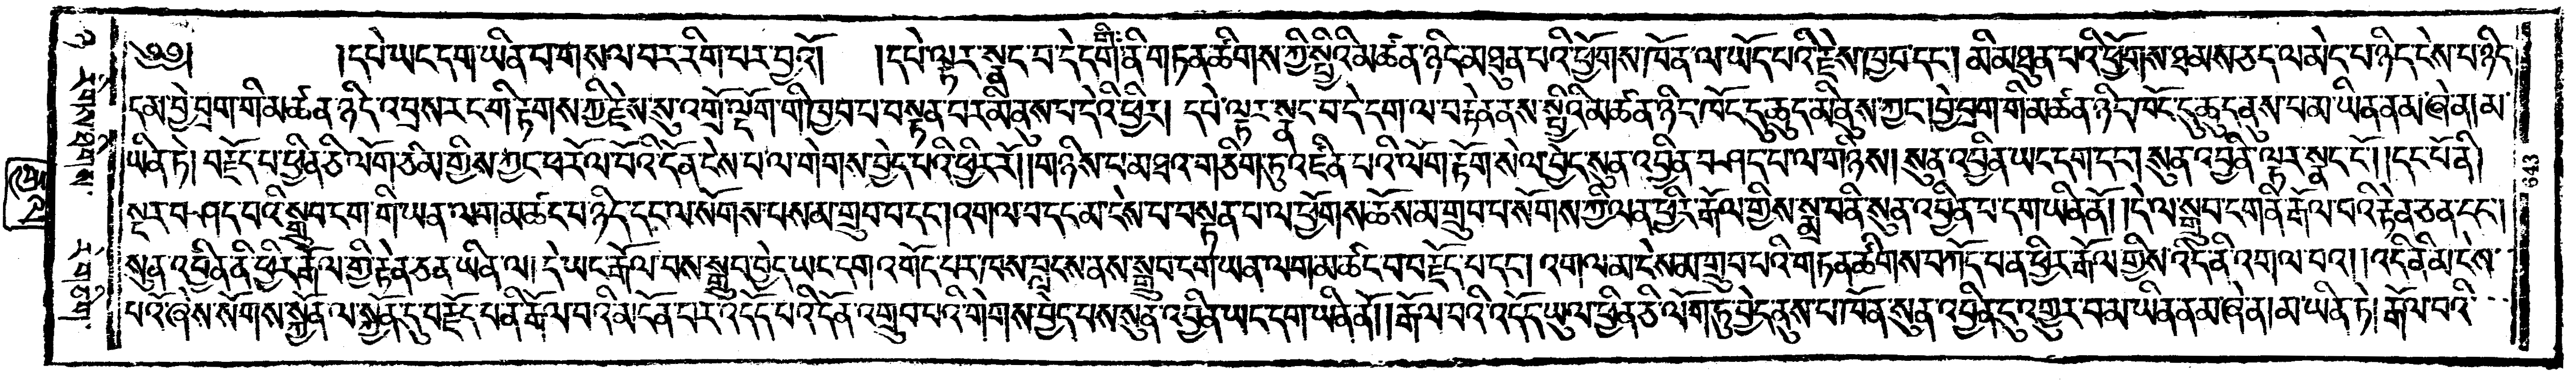༄༅། །དཔེ་ཡང་དག་ཡིན་པ་གསལ་བར་རིག་པར་བྱའོ། །དཔེ་ལྟར་སྣང་བ་དེ་དག་གི་ནི་གཏན་ཚིགས་ཀྱི་སྤྱིའི་མཚན་ཉིད་མཐུན་པའི་ཕྱོགས་ཁོ་ན་ལ་ཡོད་པའི་རྗེས་ཁྱབ་དང་། མི་མཐུན་པའི་ཕྱོགས་ཐམས་ཅད་ལ་མེད་པ་ཉིད་ངེས་པ་ཉིད་
དམ་བྱེ་བྲག་གི་མཚན་ཉིད་འབྲས་རང་གི་རྟགས་ཀྱི་རྗེས་སུ་འགྲོ་ལྡོག་གི་ཁྱབ་པ་བསྟན་པར་མི་ནུས་པ་དེའི་ཕྱིར། དཔེ་ལྟར་སྣང་བ་དེ་དག་ལ་བརྟེན་ནས་སྤྱིའི་མཚན་ཉིད་ཁོང་དུ་ཆུད་མི་ནུས་ཀྱང་། བྱེ་བྲག་གི་མཚན་ཉིད་ཁོང་དུ་ཆུད་ནུས་པ་མ་ཡིན་ནམ་ཞེ་ན། མ་
ཡིན་ཏེ། བརྗོད་པ་ཕྱིན་ཅི་ལོག་ཙམ་གྱིས་ཀྱང་ཕ་རོལ་པོའི་དོན་ངེས་པ་ལ་གེགས་བྱེད་པའི་ཕྱིར་རོ། །གཉིས་པ་མཐའ་གཅིག་ཏུ་འཛིན་པའི་ལོག་རྟོག་སེལ་བྱེད་སུན་འབྱིན་བཤད་པ་ལ་གཉིས། སུན་འབྱིན་ཡང་དག་དང་། སུན་འབྱིན་ལྟར་སྣང་ངོ། །དང་པོ་ནི།
སྔར་བཤད་པའི་སྒྲུབ་ངག་གི་ཡན་ལག་མ་ཚང་བ་ཉིད་དང་ལ་སོགས་པས་མ་གྲུབ་པ་དང་། འགལ་བ་དང་མ་ངེས་པ་བསྟན་པ་ལ་ཕྱོགས་ཆོས་མ་གྲུབ་པ་སོགས་ཀྱི་ལན་ཕྱིར་རྒོལ་གྱིས་སྨྲ་བ་ནི་སུན་འབྱིན་པ་དག་ཡིན་ནོ། །དེ་ལ་སྒྲུབ་ངག་ནི་རྒོལ་བའི་རྟེན་ཅན་དང་།
སུན་འབྱིན་ནི་ཕྱིར་རྒོལ་གྱི་རྟེན་ཅན་ཡིན་ལ། དེ་ཡང་རྒོལ་བས་སྒྲུབ་བྱེད་ཡང་དག་འགོད་པར་ཁས་བླངས་ནས་སྒྲུབ་ངག་ཡན་ལག་མ་ཚང་བ་བརྗོད་པ་དང་། འགལ་མ་ངེས་མ་གྲུབ་པའི་གཏན་ཚིགས་བཀོད་པ་ན་ཕྱིར་རྒོལ་གྱིས་འདི་ནི་འགལ་བའི། །འདི་ནི་མ་ངེས་
པའོ་ཞེས་སོགས་སྐྱོན་ལ་སྐྱོན་དུ་བརྗོད་པ་ནི་རྒོལ་བའི་མངོན་པར་འདོད་པའི་དོན་འགྲུབ་པའི་གེགས་བྱེད་པས་སུན་འབྱིན་ཡང་དག་ཡིན་ནོ། །རྒོལ་བའི་འདོད་ཡུལ་ཕྱིན་ཅི་ལོག་ཏུ་བྱེད་ནུས་པ་ཁོ་ན་སུན་འབྱིན་དུ་འགྱུར་བ་མ་ཡིན་ནམ་ཞེ་ན། མ་ཡིན་ཏེ། རྒོལ་བའི་